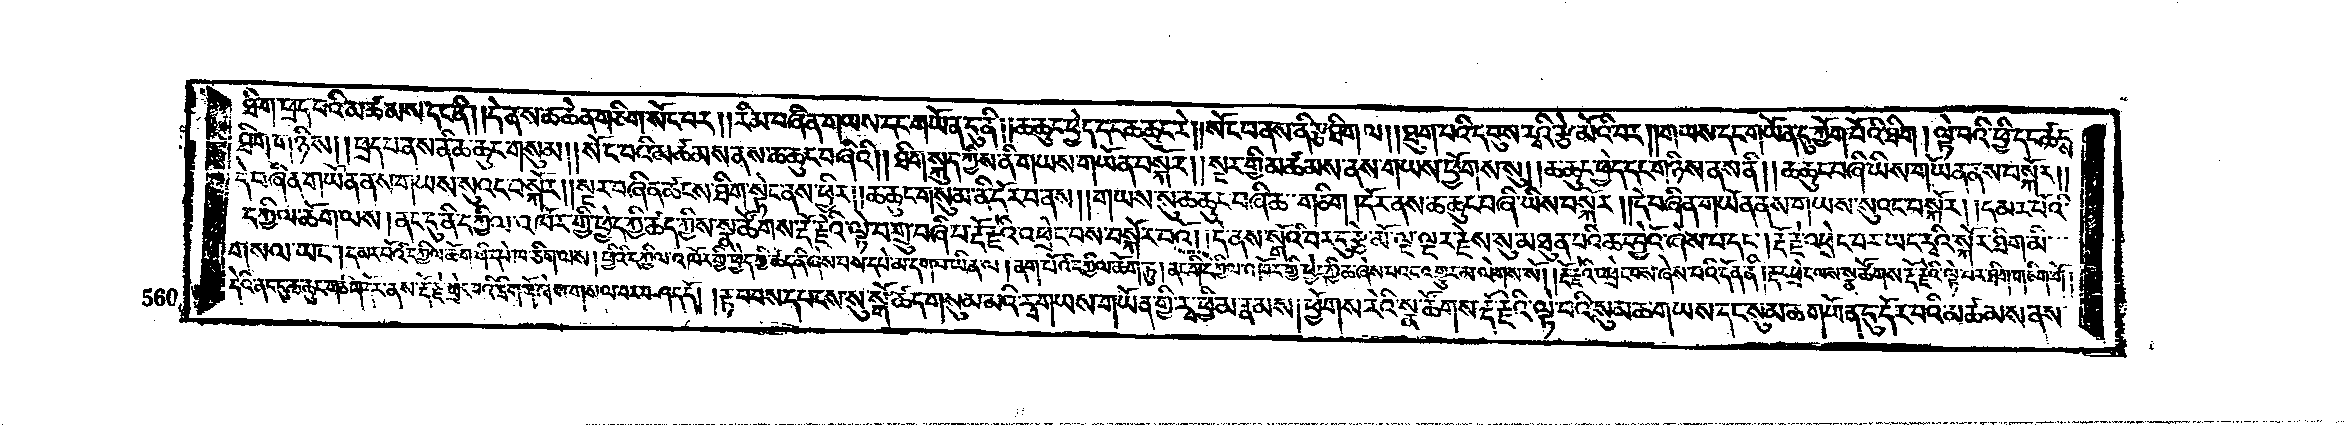ཐིག་ཕྲད་པའི་མཚམས་དང་ནི། །དེ་ནས་ཆ་ཆེན་གཅིག་སོང་བར། །རིམ་བཞིན་གཡས་དང་གཡོན་དུ་ནི། །ཆ་ཆུང་ཕྱེད་དང་ཆ་ཆུང་རེ། །སོང་བ་ནས་ནི་རྩ་ཐིག་ལ། །ཐུག་པའི་དབུས་རྭའི་རྩེ་མོའི་བར། །གཡས་དང་གཡོན་དུ་ཀྱོག་པོའི་ཐིག །ལྟེ་བའི་ཕྱི་དང་ཚངས་
ཐིག་གཉིས། །ཕྲད་པ་ནས་ནི་ཆ་ཆུང་གསུམ། །སོང་བའི་མཚམས་ནས་ཆ་ཆུང་བཞིའི། །ཐིག་སྐུད་ཀྱིས་ནི་གཡས་གཡོན་བསྐོར། །སྔར་གྱི་མཚམས་ནས་གཡས་ཕྱོགས་སུ། །ཆ་ཆུང་ཕྱེད་དང་གཉིས་ནས་ནི། །ཆ་ཆུང་བཞི་ཡིས་གཡོན་ནས་བསྐོར། །
དེ་བཞིན་གཡོན་ནས་གཡས་སུའང་བསྐོར། །སྔར་བཞིན་ཚངས་ཐིག་སྟེང་ནད་ཕྱིར། །ཆ་ཆུང་གསུམ་ནི་དོར་བ་ནས། །གཡས་སུ་ཆ་ཆུང་བཞི་ཆ་གཅིག །དོར་ནས་ཆ་ཆུང་བཞི་ཡིས་བསྐོར། །དེ་བཞིན་གཡོན་ནས་གཡས་སུའང་བསྐོར། །དམར་པོའི་
དཀྱིལ་ཆོག་ལས། ནང་དུ་ནི་དཀྱིལ་འཁོར་གྱི་ཕྱེད་ཀྱི་ཚད་ཀྱིས་སྣ་ཚོགས་རྡོ་རྗེའི་ལྟེ་བ་གྲུ་བཞི་པ་རྡོ་རྗེའི་འཕྲེང་བས་བསྐོར་བའོ། །དེ་ནས་སྒོའི་བར་དུ་རྩེ་མོ་ལྔ་ལྔར་རྗེས་སུ་མཐུན་པའི་ཆ་དབྱེའོ་ཞེས་པ་དང་། རྡོ་རྗེ་འཕྲེང་བར་ཡང་རྭའི་སྐོར་ཐིག་མི་
གསལ་ཡང་། དམར་པོའི་དཀྱིལ་ཆོག་གི་དཔེ་ཁ་ཅིག་ལས། ཕྱིའི་དཀྱིལ་འཁོར་གྱི་ཕྱེད་ཀྱི་ཚད་ནི་ཞེས་པས་དཔེ་མ་དག་པ་ཡིན་ལ། ནག་པོའི་དཀྱིལ་ཆོག་ཏུ། ནང་གི་དཀྱིལ་འཁོར་གྱི་ཕྱེད་ཀྱི་ཆ་ཞེས་པའང་འགྱུར་མ་ལེགས་སོ། །རྡོ་རྗེའི་འཕྲེང་བས་ཞེས་པའི་དོན་ནི། རྡར་ཕྲེང་ལས་སྣ་ཚོགས་རྡོ་རྗེའི་ལྟེ་བར་ཐིག་གཅིག་གོ །
དེའི་ནང་དུ་ཆ་ཆུང་གཅིག་དོར་ནས་རྡོ་རྗེ་ཕྲེང་བའི་ཐིག་གོ་ཞེས་གསལ་བར་བཤད་དོ། །རྟ་བབས་དཔངས་སུ་སྒོ་ཚད་གསུམ་མའི་རྭ་གཡས་གཡོན་གྱི་རྭ་ཕྱི་མ་རྣམས། ཕྱོགས་རེའི་སྣ་ཚོགས་རྡོ་རྗེའི་ལྟེ་བའི་སུམ་ཆག་གཡས་དང་སུམ་ཆག་གཡོན་དུ་དོར་བའི་མཚམས་ནས་